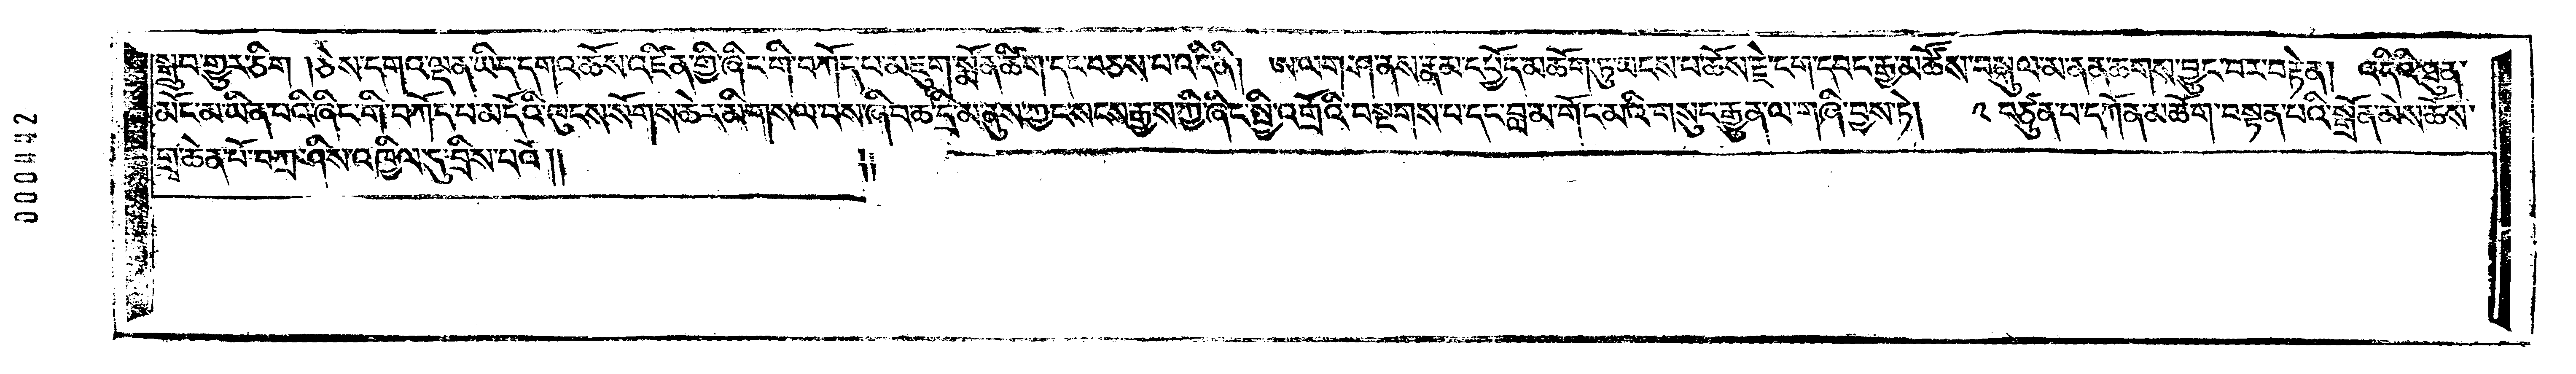སྒྲུབ་གྱུར་ཅིག །ཅེས་དགའ་ལྡན་ཡིད་དགའ་ཆོས་འཛིན་གྱི་ཞིང་གི་བཀོད་པ་མཇུག་སྨོན་ཚིག་དང་བཅས་པ་འདི་ནི། ཨ་ལག་ཤ་ནས་རྣམ་དཔྱོད་མཆོག་ཏུ་ཡངས་པ་ཆོས་རྗེ་ངག་དབང་རྒྱ་མཚོས་བསྐུལ་མ་ནན་ཆགས་བྱུང་བར་བརྟེན། འདིའི་ཐུན་
མོང་མ་ཡིན་བའི་ཞིང་གི་བཀོད་པ་མདོའི་ཁུངས་སོགས་ཆེར་མི་གསལ་བས་ཞིབ་ཆ་དྲི་མ་ནུས་ཀྱང་སངས་རྒྱས་ཀྱི་ཞིང་སྤྱི་འགྲོའི་བསྔགས་པ་དང་བླ་མ་གོང་མའི་གསུང་རྒྱུན་ལ་གཞི་བྱས་ཏེ། ༢་བཙུན་པ་དཀོན་མཆོག་བསྟན་པའི་སྒྲོན་མེས་ཆོས་གྲྭ་ཆེན་པོ་བཀྲ་ཤིས་འཁྱིལ་དུ་བྲིས་པའོ།། །།